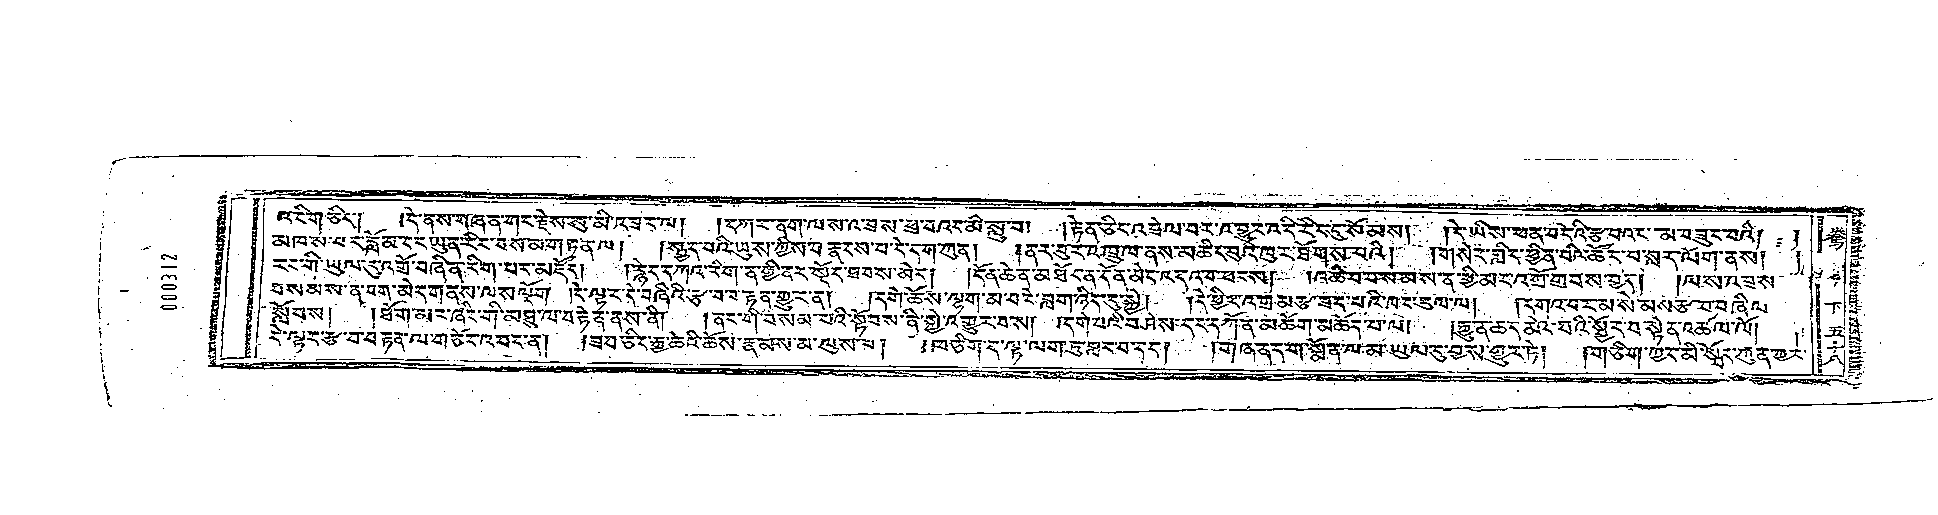འཇིག་ཅིང་། །དེ་ནས་གཞན་གང་རྗེས་སུ་མི་འབྲང་ལ། །དཀར་ནག་ལས་འབྲས་ཕྲ་བའང་མི་སླུ་བ། །རྟེན་ཅིང་འབྲེལ་བར་འབྱུང་འདི་རིང་དུ་སོམས། །དེ་ཡིས་ཕན་བདེའི་རྩ་བའང་མ་བཟུང་བའི། །
མཁས་པར་རློམ་དང་ཡུན་རིང་བསམ་གཏན་ལ། །སྤྱད་པའི་ཡུས་ཀྱིས་བརྣངས་པ་དེ་དག་ཀུན། །ནོར་བུར་འཁྲུལ་ནས་འཆིང་བུའི་ཁུར་ཐོགས་པའི། །གསེར་གླིང་ཕྱིན་པའི་ཚོང་པ་སླར་ལོག་ནས། །
རང་གི་ཡུལ་དུ་འགྲོ་བཞིན་རིག་པར་མཛོད། །རྙེད་དཀའ་རིག་ན་གྱི་ནར་སྡོད་ཐབས་མེད། །དོན་ཆེན་མཐོང་ན་དོན་མེད་འདའ་བ་ཕངས། །འཆི་བ་བསམས་ན་ཕྱི་མར་འགྲོ་གྲབས་བྱེད། །ལས་འབྲས་
བསམས་ན་བག་མེད་གནས་ལས་ལྡོག །དེ་ལྟར་དེ་བཞིའི་རྩ་བ་བརྟན་གྱུར་ན། །དགེ་ཆོས་ལྷག་མ་བདེ་བླག་ཉིད་དུ་སྐྱེ། །དེ་ཕྱིར་དགྲམ་རྩ་ཟད་པའི་ཁང་དུལ་ལ། །དགའ་བར་མ་སེམས་རྩ་བ་བཞི་ལ་
སློབས། །ཐོག་མར་ཞིང་གི་མཐུ་ལ་བརྟེན་ནས་ནི། །ནང་གི་བསམ་པའི་སྟོབས་ནི་སྐྱེ་འགྱུར་བས། །དགེ་བའི་བཤེས་དང་དཀོན་མཆོག་མཆོད་པ་ལ། །རྒྱུན་ཆད་མེད་པའི་སྦྱོར་བ་སྟེན་འཚལ་ལོ། །
དེ་ལྟར་རྩ་བ་བརྟན་ལ་གཙོར་འབང་ན། །ཟབ་ཅིང་རྒྱ་ཆེའི་ཆོས་རྣམས་མ་ལུས་པ། །ཁ་ཅིག་ད་ལྟ་ལག་ཏུ་བླང་བ་དང་། །གཞན་དག་སྨོན་ལམ་ཡུལ་དུ་བྱས་གྱུར་ཏེ། །གཅིག་ཀྱང་མི་སྤོང་ཀུན་ཀྱང་